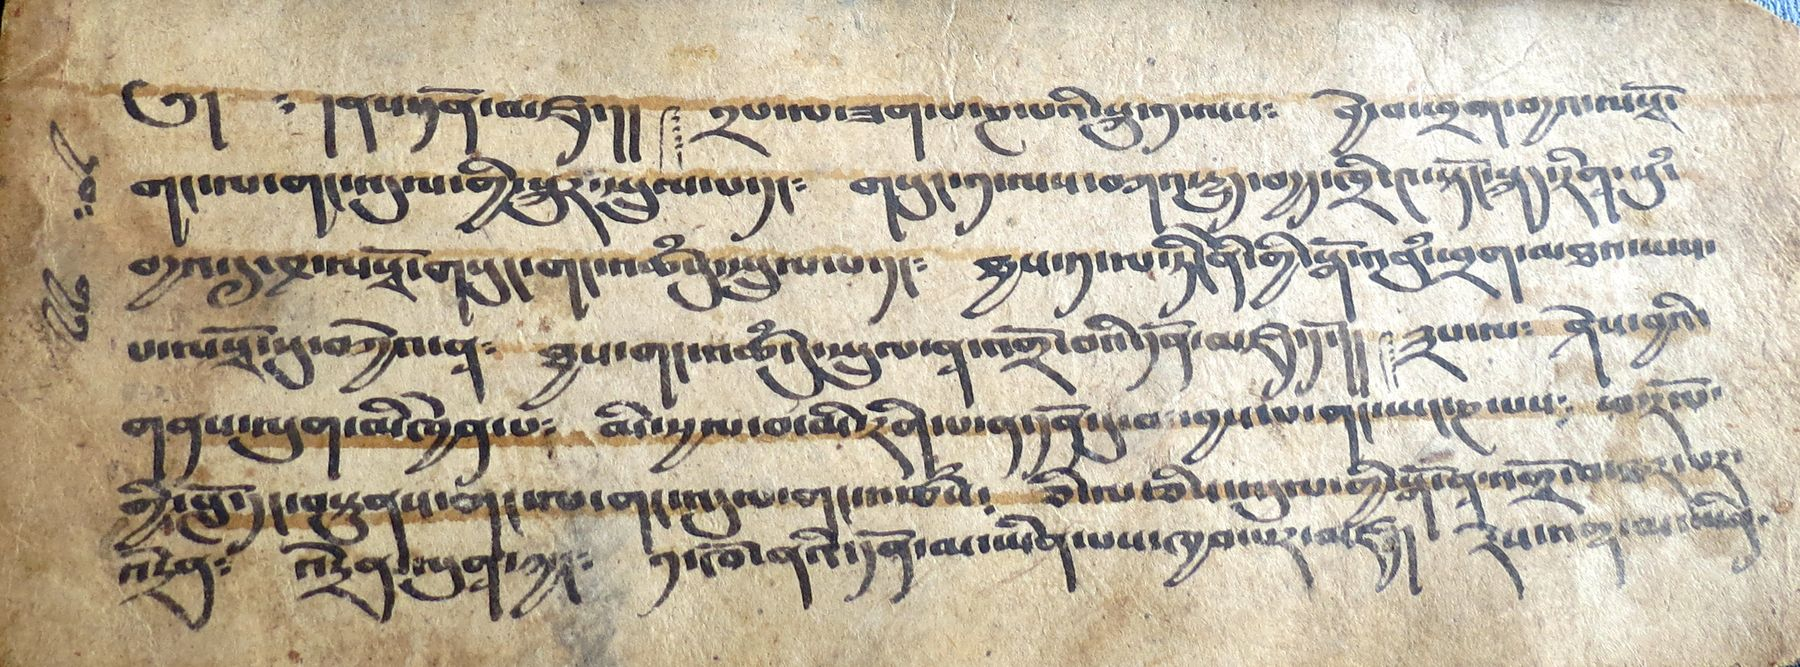ནས་དོན་མཛད། གཉིས་པ་ལ་ཟག་པ་མེད་པའི་སྐུ་གཅིག་ལས་བྱེ་བ་ཕྲག་བརྒྱ་ལ་སོགས་
གང་ལ་གང་འདུལ་གྱི་སྐུ་སྤྲུལ་པ་དང་། གསུང་གཅིག་ལས་བཀའ་རྒྱུད་བརྒྱད་ཁྲི་བཞི་སྟོང་། སྐད་རིགས་སུམ་
བརྒྱ་དྲུག་ཅུ་ལས་སོགས། གསུང་གང་འཚམ་དུ་སྤྲུལ་པ་དང་། ཐུགས་གཅིག་ལས་ཏིང་ངེ་འཛིན་གྱི་སྒོ་འབུམ་ཕྲག་མཐའ་ཡས་
པ་ལ་སོགས་སུ་བཀྱེ་ནས། ཐུགས་གང་ལ་གང་འཚམས་སུ་སྤྲུལ་ནས་འགྲོ་བའི་དོན་མཛད་དོ། ། གསུམ་པ་ལ་ཤེས་བྱའི་
གནས་ལུགས་ལ། མི་མཁྱེན་པ། མི་གསལ་པ། མི་རིག་པ། སྔོན་དུ་མ་བྱས་པ་གང་ཡང་མེད་པས། ཕ་རོལ་
གྱི་བློ་དང་བསྟུན་ནས། གང་ལ་གང་འདུལ། གང་འཚམས་ཅི་ལ་ཅི་འདུལ་གྱི་སྒོ་ནས། འགྲོ་བ་ཐར་པར་
འདྲེན། འདྲེན་ལུགས་ཀྱང་གཅིག་ཁོ་ནའི་དོན་མ་ཡིན་པར་ཁྱད་པར་མཛད། རེས་འགའ་བ་མ་ཡིན་